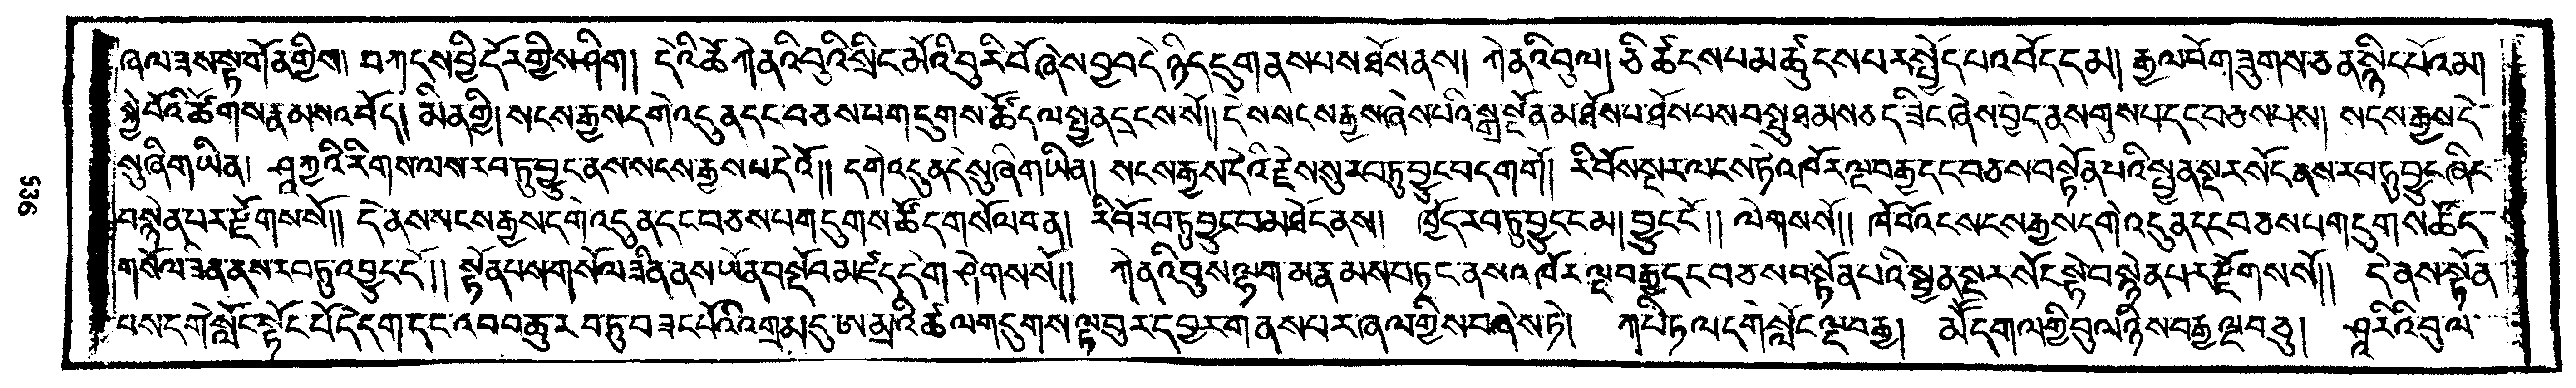ཞལ་ཟས་སྟ་གོན་གྱིས། བཀངས་བྱི་དོར་གྱིས་ཤིག། དེའི་ཚེ་ཀེ་ནའི་བུའི་སྲིང་མོའི་བུ་རི་བོ་ཞེས་བྱ་བ་དེ་ཉིད་དུ་གནས་པས་ཐོས་ནས། ཀེ་ནའི་བུལ། ཅི་ཚངས་པ་མཚུངས་པར་སྤྱོད་པ་འབོད་དམ། རྒྱལ་པོ་གཟུགས་ཅན་སྙིང་པོའམ།
སྐྱེ་བོའི་ཚོགས་རྣམས་འབོད། མིན་གྱི། སངས་རྒྱས་དགེ་འདུན་དང་བཅས་པ་གདུགས་ཚོད་ལ་སྤྱན་དྲངས་སོ།། དེས་སངས་རྒྱས་ཞེས་པའི་སྒྲ་སྔོན་མ་ཐོས་པ་ཐོས་པས་བསྤུ་ཐམས་ཅད་ཟིང་ཞེས་བྱེད་ནས་གུས་པ་དང་བཅས་པས། སངས་རྒྱས་དེ་
སུ་ཞིག་ཡིན། ཤཱཀྱའི་རིགས་ལས་རབ་ཏུ་བྱུང་ནས་སངས་རྒྱས་པ་དེའོ།། དགེ་འདུན་དེ་སུ་ཞིག་ཡིན། སངས་རྒྱས་དེའི་རྗེས་སུ་རབ་ཏུ་བྱུང་བདག་གོ། རི་བོས་སྔར་ལངས་ཏེ་འཁོར་ལྔ་བརྒྱ་དང་བཅས་བསྟོན་པའི་སྤྱན་སྔར་སོང་ནས་རབ་ཏུ་བྱུང་ཞིང་
བསྙེན་པར་རྫོགས་སོ།། དེ་ནས་སངས་རྒྱས་དགེ་འདུན་དང་བཅས་པ་གདུགས་ཚོད་གསོལ་བ་ན། རི་བོ་རབ་ཏུ་བྱུང་བ་མཐོང་ནས། ཁྱོད་རབ་ཏུ་བྱུང་ངམ། བྱུང་ངོ།། ལེགས་སོ།། ཁོ་བོའང་སངས་རྒྱས་དགེ་འདུན་དང་བཅས་པ་གདུགས་ཚོད་
གསོལ་ཟིན་ནས་རབ་ཏུ་འབྱུང་ངོ།། སྟོན་པས་གསོལ་ཟིན་ནས་ཡོན་བསྡོ་བ་མཛད་དེ་གཤེགས་སོ།། ཀེ་ནའི་བུས་ལྷག་མ་རྣམས་བཏང་ནས་འཁོར་ལྔ་བརྒྱ་དང་བཅས་བསྟོན་པའི་སྦྱན་སྔར་སོང་སྟེ་བསྙེན་པར་རྫོགས་སོ།། དེ་ནས་སྟོན་
པས་དགེ་སློང་སྟོང་པོ་དེ་དག་དང་འབབ་ཆུ་རབ་ཏུ་བཟང་པོའི་འགྲམ་དུ་ཨ་མྲའི་ཚལ་གདུགས་ལྟ་བུར་དབྱར་གནས་པར་ཞལ་གྱིས་བཞེས་ཏེ། ཀ་པི་ཏལ་དགེ་སློང་ལྔ་བརྒྱ། མཽ་དགལ་གྱི་བུལ་ཉིས་བརྒྱ་ལྔ་བཅུ། ཤཱ་རིའི་བུལ་